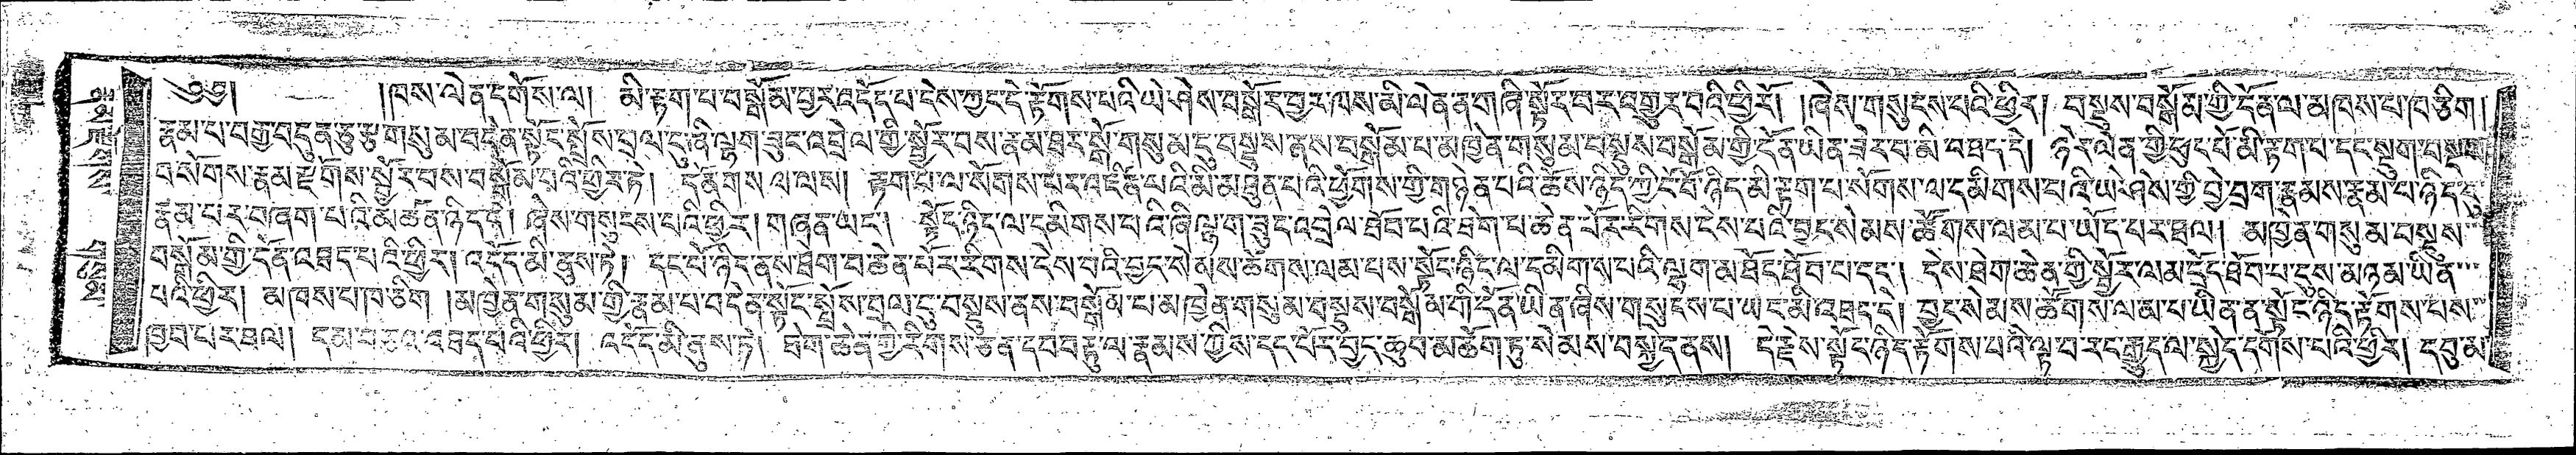༄༅། །ཁས་ལེན་དགོས་ལ། མི་རྟག་པ་བསྒོམ་བྱར་འདོད་པ་ངེས་ཀྱང་དེ་རྟོགས་པའི་ཡེ་ཤེས་བསྒོར་བྱར་ཁས་མི་ལེན་ན་གཞི་སྟོང་བར་འགྱུར་བའི་ཕྱིར་རོ། །ཞེས་གསུངས་པའི་ཕྱིར། བསྡུས་བསྒོམ་གྱི་དོན་ལ་མཁས་པ་ཁ་ཅིག །
རྣམ་པ་བརྒྱ་བདུན་ཅུ་རྩ་གསུམ་བདེན་སྟོང་སྤྲོས་བྲལ་དུ་ཞི་ལྷག་ཟུང་འབྲེལ་གྱི་སྦྱོར་བས་རྣམ་ཐར་སྒོ་གསུམ་དུ་བསྡུས་ནས་བསྒོམ་པ་མཁྱེན་གསུམ་བསྡུས་བསྒོམ་གྱི་དོན་ཡིན་ཟེར་བ་མི་འཐད་དེ། ཉེར་ལེན་གྱི་ཕུང་པོ་མི་རྟག་པ་དང་སྡུག་བསྔལ་
བསོགས་རྣམ་རྫོགས་སྦྱོར་བས་བསྒོམ་པའི་ཕྱིར་ཏེ། དོན་གསལ་ལས། རྟག་པ་ལ་སོགས་པར་འཛིན་པའི་མི་མཐུན་པའི་ཕྱོགས་གྱི་གཉེན་པོའི་ཆོས་ཉིད་ཀྱི་ངོ་བོ་ཉིད་མི་རྟག་པ་སོགས་ལ་དམིགས་པའི་ཡེ་ཤེས་གྱི་བྱེ་བྲག་རྣམས་རྣམ་པ་ཉིད་དུ་
རྣམ་པར་བཞག་པ་ནི་མཚན་ཉིད་དེ། ཞེས་གསུངས་པའི་ཕྱིར། གཞན་ཡང་། སྟོང་ཉིད་ལ་དམིགས་པའི་ཞི་ལྷག་ཟུང་འབྲེལ་ཐོབ་པའི་ཐེག་པ་ཆེན་པོར་རིགས་ངེས་པའི་བྱང་སེམས་ཚོགས་ལམ་པ་ཡོད་པར་ཐལ། མཁྱེན་གསུམ་བསྡུས་
བསྒོམ་གྱི་དོན་འཐད་པའི་ཕྱིར། འདོད་མི་ནུས་ཏེ། དང་པོ་ཉིད་ནས་ཐེག་པ་ཆེན་པོར་རིགས་ངེས་པའི་བྱང་སེམས་ཚོགས་ལམ་པས་སྟོང་ཉིད་ལ་དམིགས་པའི་ལྷག་མཐོང་ཐོབ་པ་དང་། དེས་ཐེག་ཆེན་གྱི་སྦྱོར་ལམ་དྲོད་ཐོབ་པ་དུས་མཉམ་ཡིན་
པའི་ཕྱིར། མཁས་པ་ཁ་ཅིག །མཁྱེན་གསུམ་གྱི་རྣམ་པ་བདེན་སྟོང་སྤྲོས་བྲལ་དུ་བསྡུས་ནས་བསྒོམ་པ་མཁྱེན་གསུམ་བསྡུས་བསྒོམ་གྱི་དོན་ཡིན་ཞེས་གསུངས་པ་ཡང་མི་འཐད་དེ། བྱང་སེམས་ཚོགས་ལམ་པ་ཡིན་ན་སྟོང་ཉིད་རྟོགས་པས་
ཁྱབ་པར་ཐལ། དམ་བཅའ་འཐད་པའི་ཕྱིར། འདོད་མི་ནུས་ཏེ། ཐེག་ཆེན་གྱི་རིགས་ཅན་དབ་བརྟུ་ལ་རྣམས་ཀྱིས་དང་པོར་བྱང་ཆུབ་མཆོག་ཏུ་སེམས་བསྐྱེད་ནས། དེ་རྗེས་སྟོང་ཉིད་རྟོགས་པའི་ལྟ་བ་རང་རྒྱུད་ལ་སྐྱེད་དགོས་པའི་ཕྱིར། དབུ་མ་